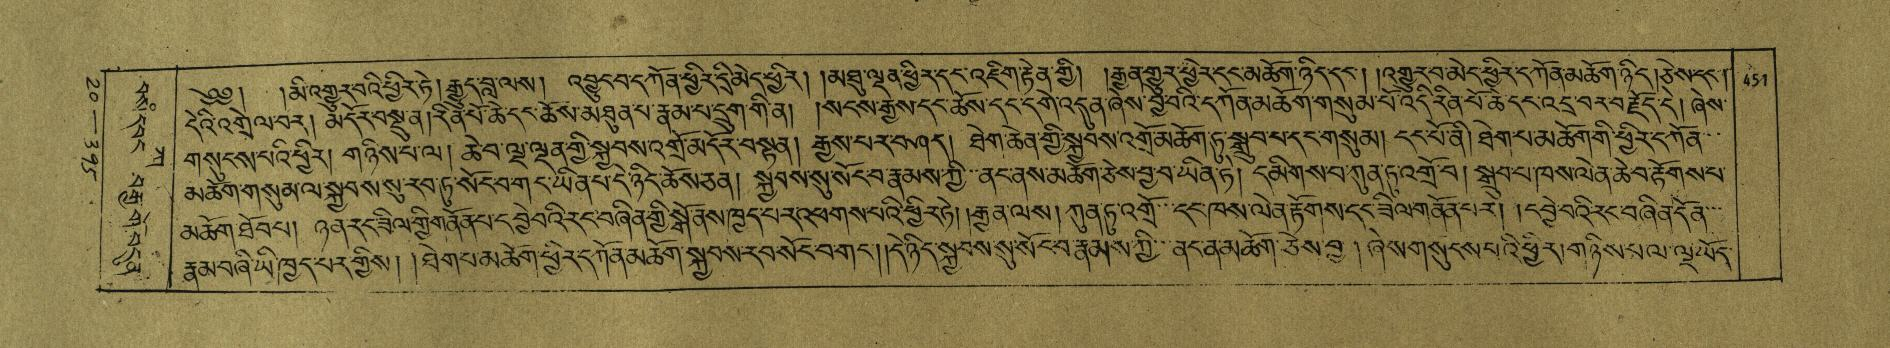༄༅། །མི་འགྱུར་བའི་ཕྱིར་ཏེ། རྒྱུད་བླ་ལས། འབྱུང་བ་དཀོན་ཕྱིར་དྲི་མེད་ཕྱིར། །མཐུ་ལྡན་ཕྱིར་དང་འཇིག་རྟེན་གྱི། །རྒྱན་གྱུར་ཕྱིར་དང་མཆོག་ཉིད་དང་། །འགྱུར་བ་མེད་ཕྱིར་དཀོན་མཆོག་ཉིད། ཅེས་དང་།
དེའི་འགྲེལ་བར། མདོར་བསྡུ་ན། རིན་པོ་ཆེ་དང་ཆོས་མཐུན་པ་རྣམ་པ་དྲུག་གི་ན། །སངས་རྒྱས་དང་ཆོས་དང་དགེ་འདུན་ཞེས་བྱ་བའི་དཀོན་མཆོག་གསུམ་པོ་འདི་རིན་པོ་ཆེ་དང་འདྲ་བར་བརྗོད་དེ། ཞེས་
གསུངས་པའི་ཕྱིར། གཉིས་པ་ལ། ཆེ་བ་ལྔ་ལྡན་གྱི་སྐྱབས་འགྲོ་མདོར་བསྟན། རྒྱས་པར་བཤད། ཐེག་ཆེན་གྱི་སྐྱབས་འགྲོ་མཆོག་ཏུ་སྒྲུབ་པ་དང་གསུམ། དང་པོ་ནི། ཐེག་པ་མཆོག་གི་ཕྱིར་དཀོན་
མཆོག་གསུམ་ལ་སྐྱབས་སུ་རབ་ཏུ་སོང་བ་གང་ཡིན་པ་དེ་ཉིད་ཆོས་ཅན། སྐྱབས་སུ་སོང་བ་རྣམས་ཀྱི་ནང་ནས་མཆོག་ཅེས་བྱ་བ་ཡིན་ཏེ། དམིགས་པ་ཀུན་ཏུ་འགྲོ་བ། སྒྲུབ་པ་ཁས་ལེན་ཆེ་བ་རྟོགས་པ་
མཆོག་ཐོབ་པ། ཉན་རང་ཟིལ་གྱི་གནོན་པ་དབྱེ་བའི་རང་བཞིན་གྱི་སྒོ་ནས་ཁྱད་པར་འཕགས་པའི་ཕྱིར་ཏེ། །རྒྱན་ལས། ཀུན་ཏུ་འགྲོ་དང་ཁས་ལེན་རྟོགས་དང་ཟིལ་གནོན་པར། །དབྱེ་བའི་རང་བཞིན་དོན་
རྣམ་བཞི་ཡི་ཁྱད་པར་གྱིས། །ཐེག་པ་མཆོག་ཕྱིར་དཀོན་མཆོག་སྐྱབས་རབ་སོང་བ་གང་། །དེ་ཉིད་སྐྱབས་སུ་སོང་བ་རྣམས་ཀྱི་ནང་ན་མཆོག་ཅེས་བྱ་།ཞེས་གསུངས་པའི་ཕྱིར། གཉིས་པ་ལ་ལྔ་ཡོད་